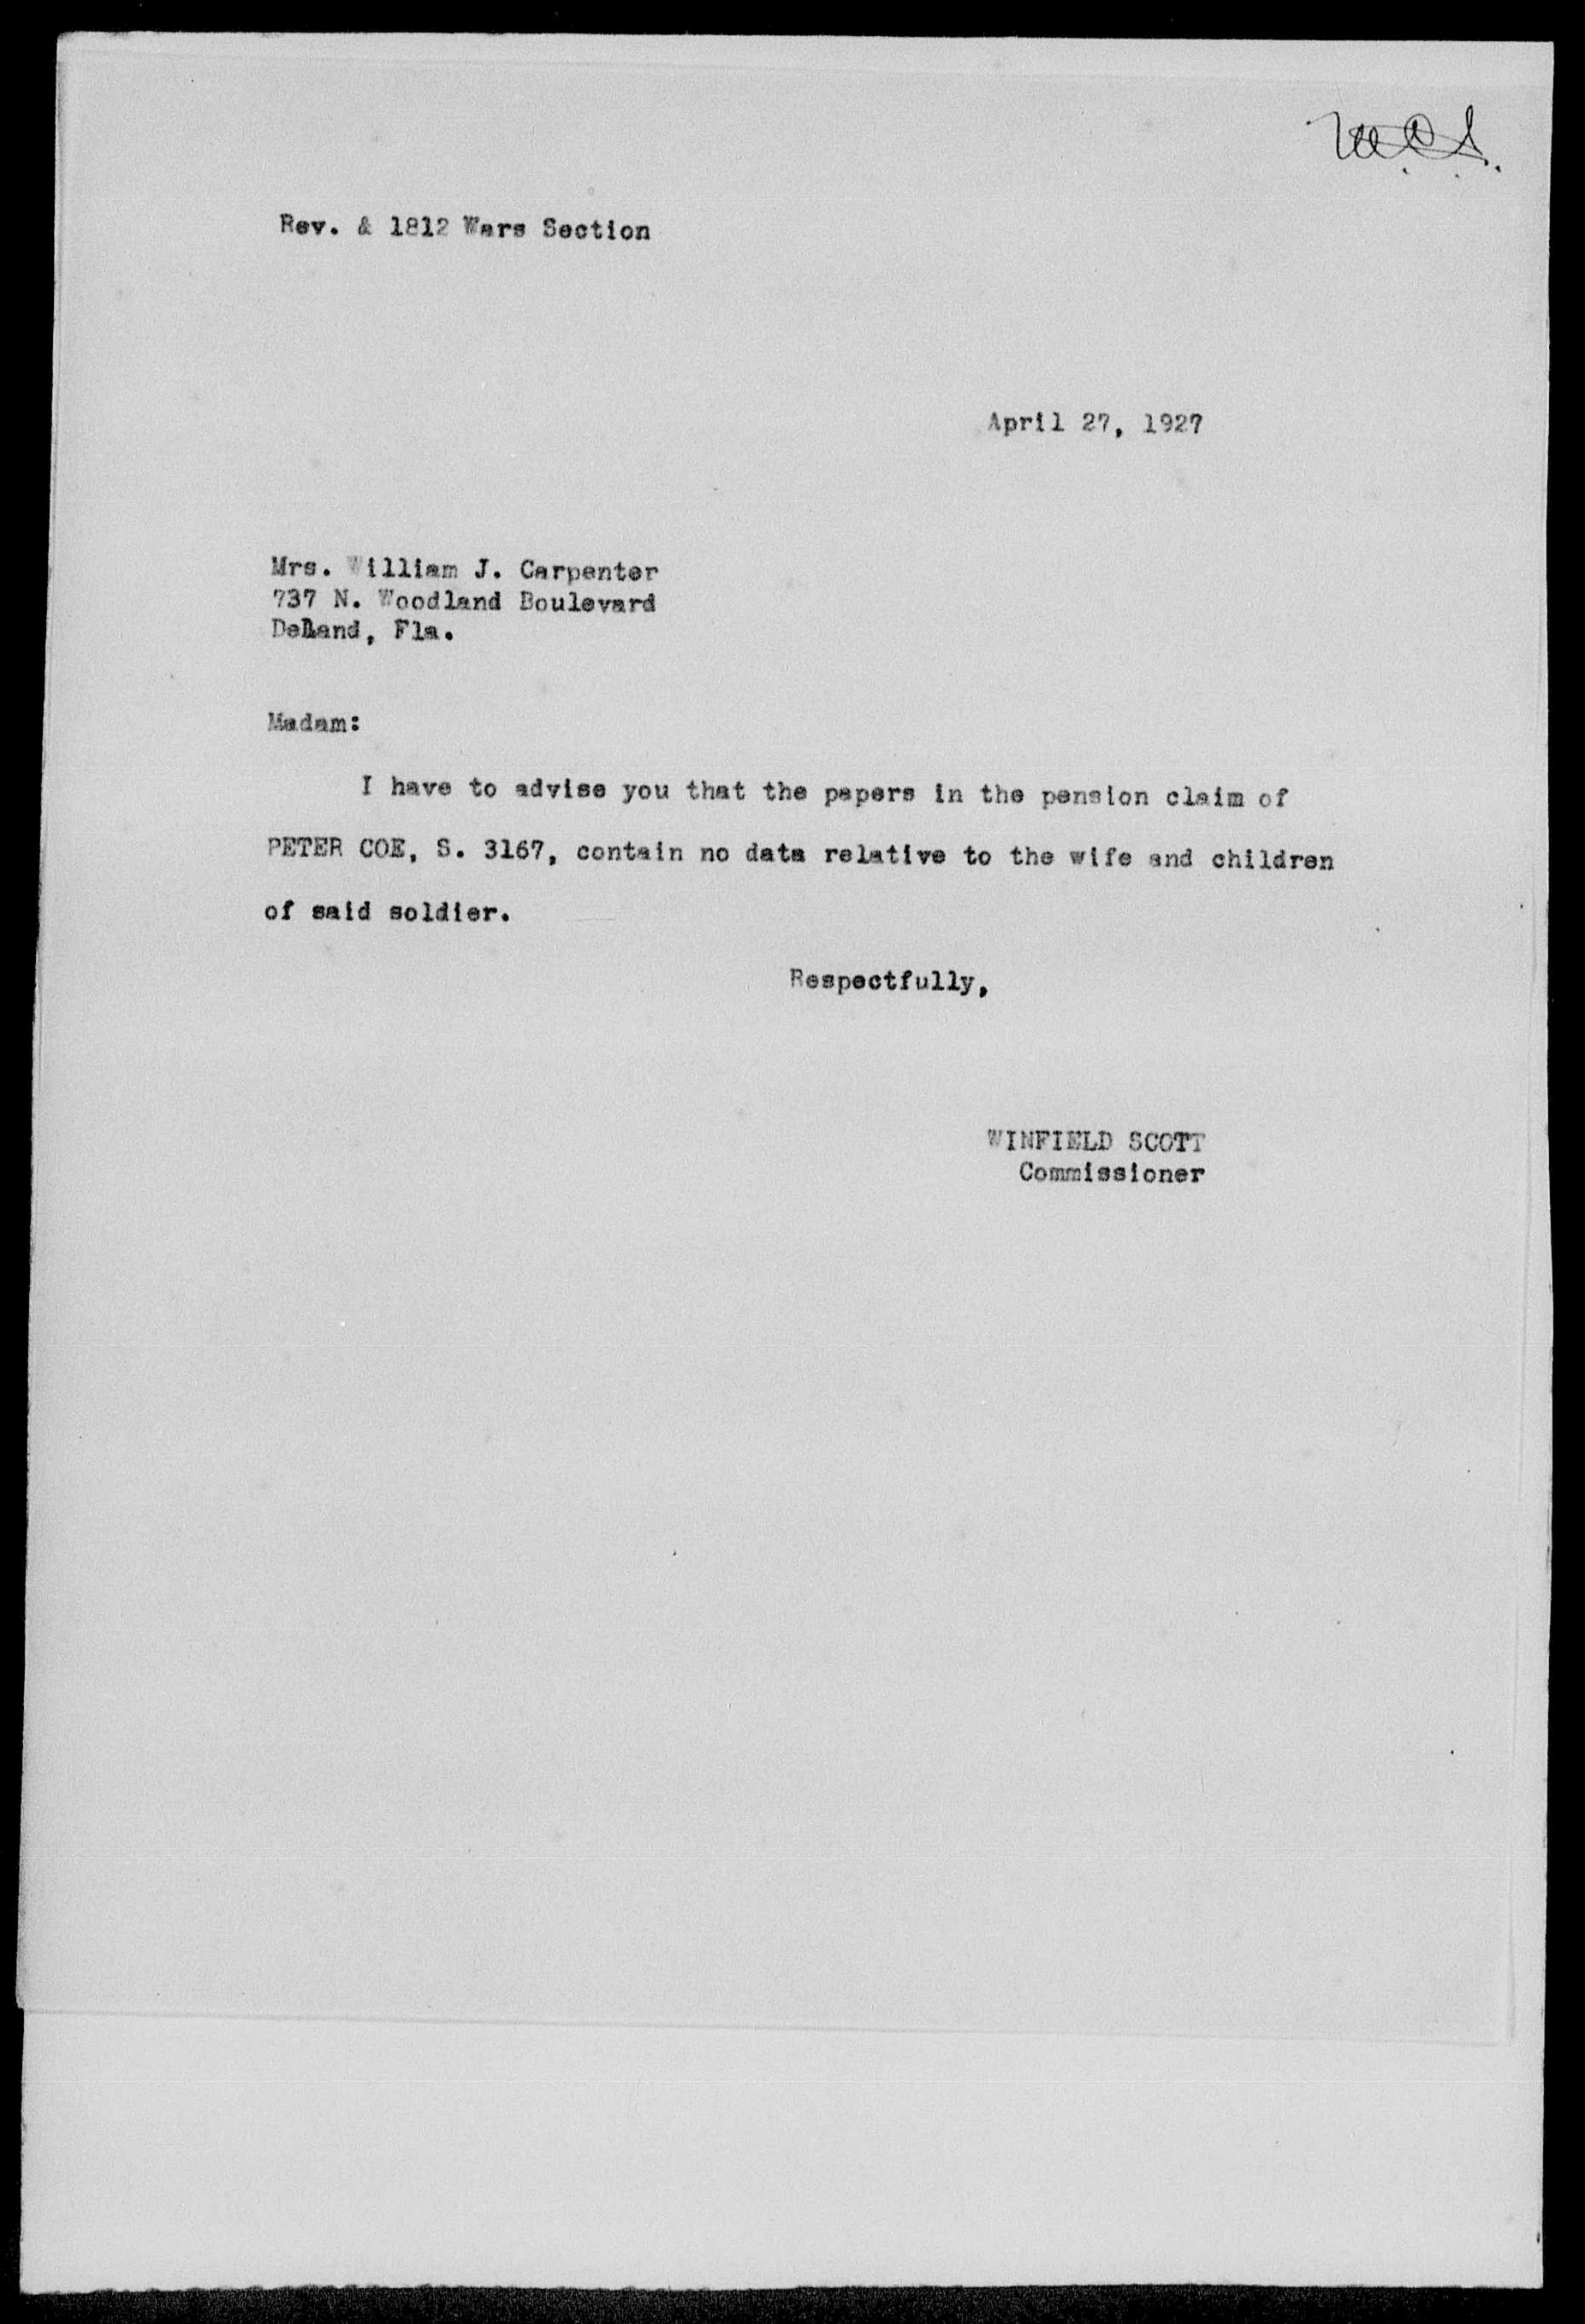W.C.S.
Rev. & 1812 Wars Section
April 27, 1927

Mrs. William J. Carpenter
737 N. Woodland Boulevard
DeLand, Fla.

Madam: 
I have to advise you that papers in the pension claim of PETER COE, S. 3167, contain no data relative to the wife and children of said soldier.
Respectfully,
WINFIELD SCOTT
Commissioner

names: Peter Coe, Winfield Scott, William J Carpenter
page: 22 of 23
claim: survivor's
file: S. 3167, Peter Coe, New Jersey Penn.